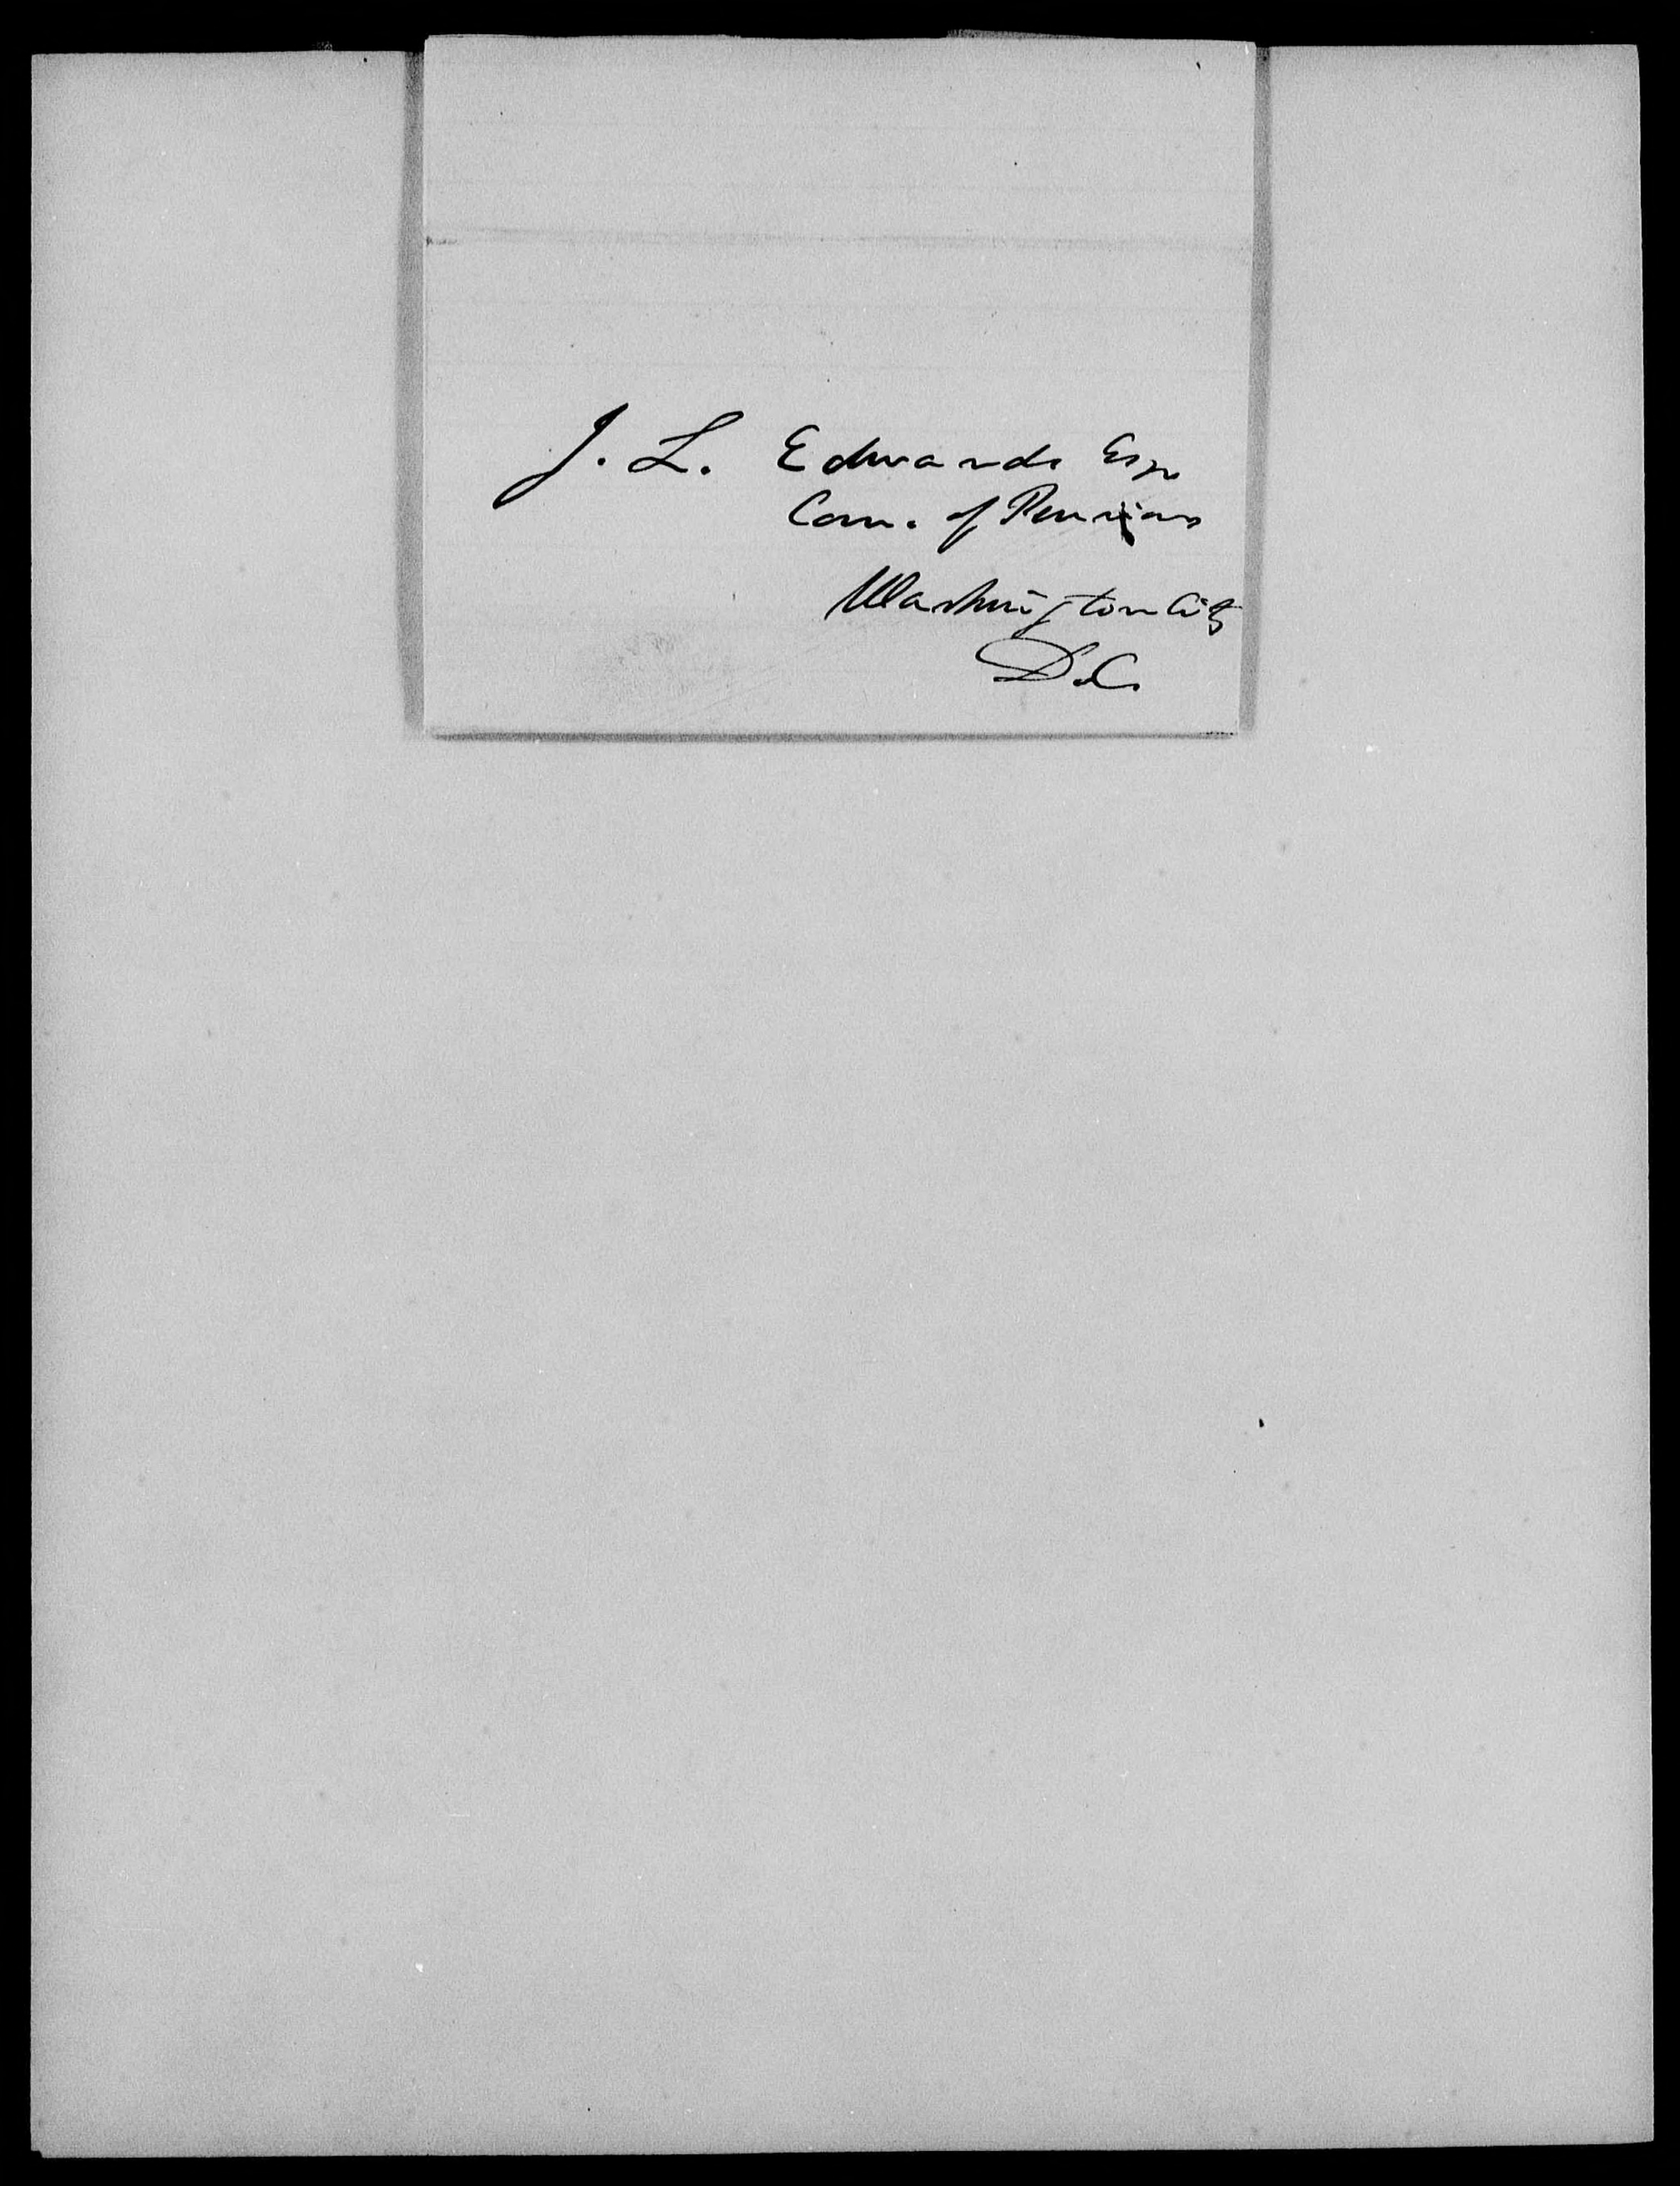Image 103		4160873_00103              Fold3 File #23857269

J. L. Edwards, Esq
Com. of Pensions  Washington City, D. C.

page: 45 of 71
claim: widow's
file: W. 8428, for James Mc Gill, Pennsylvania